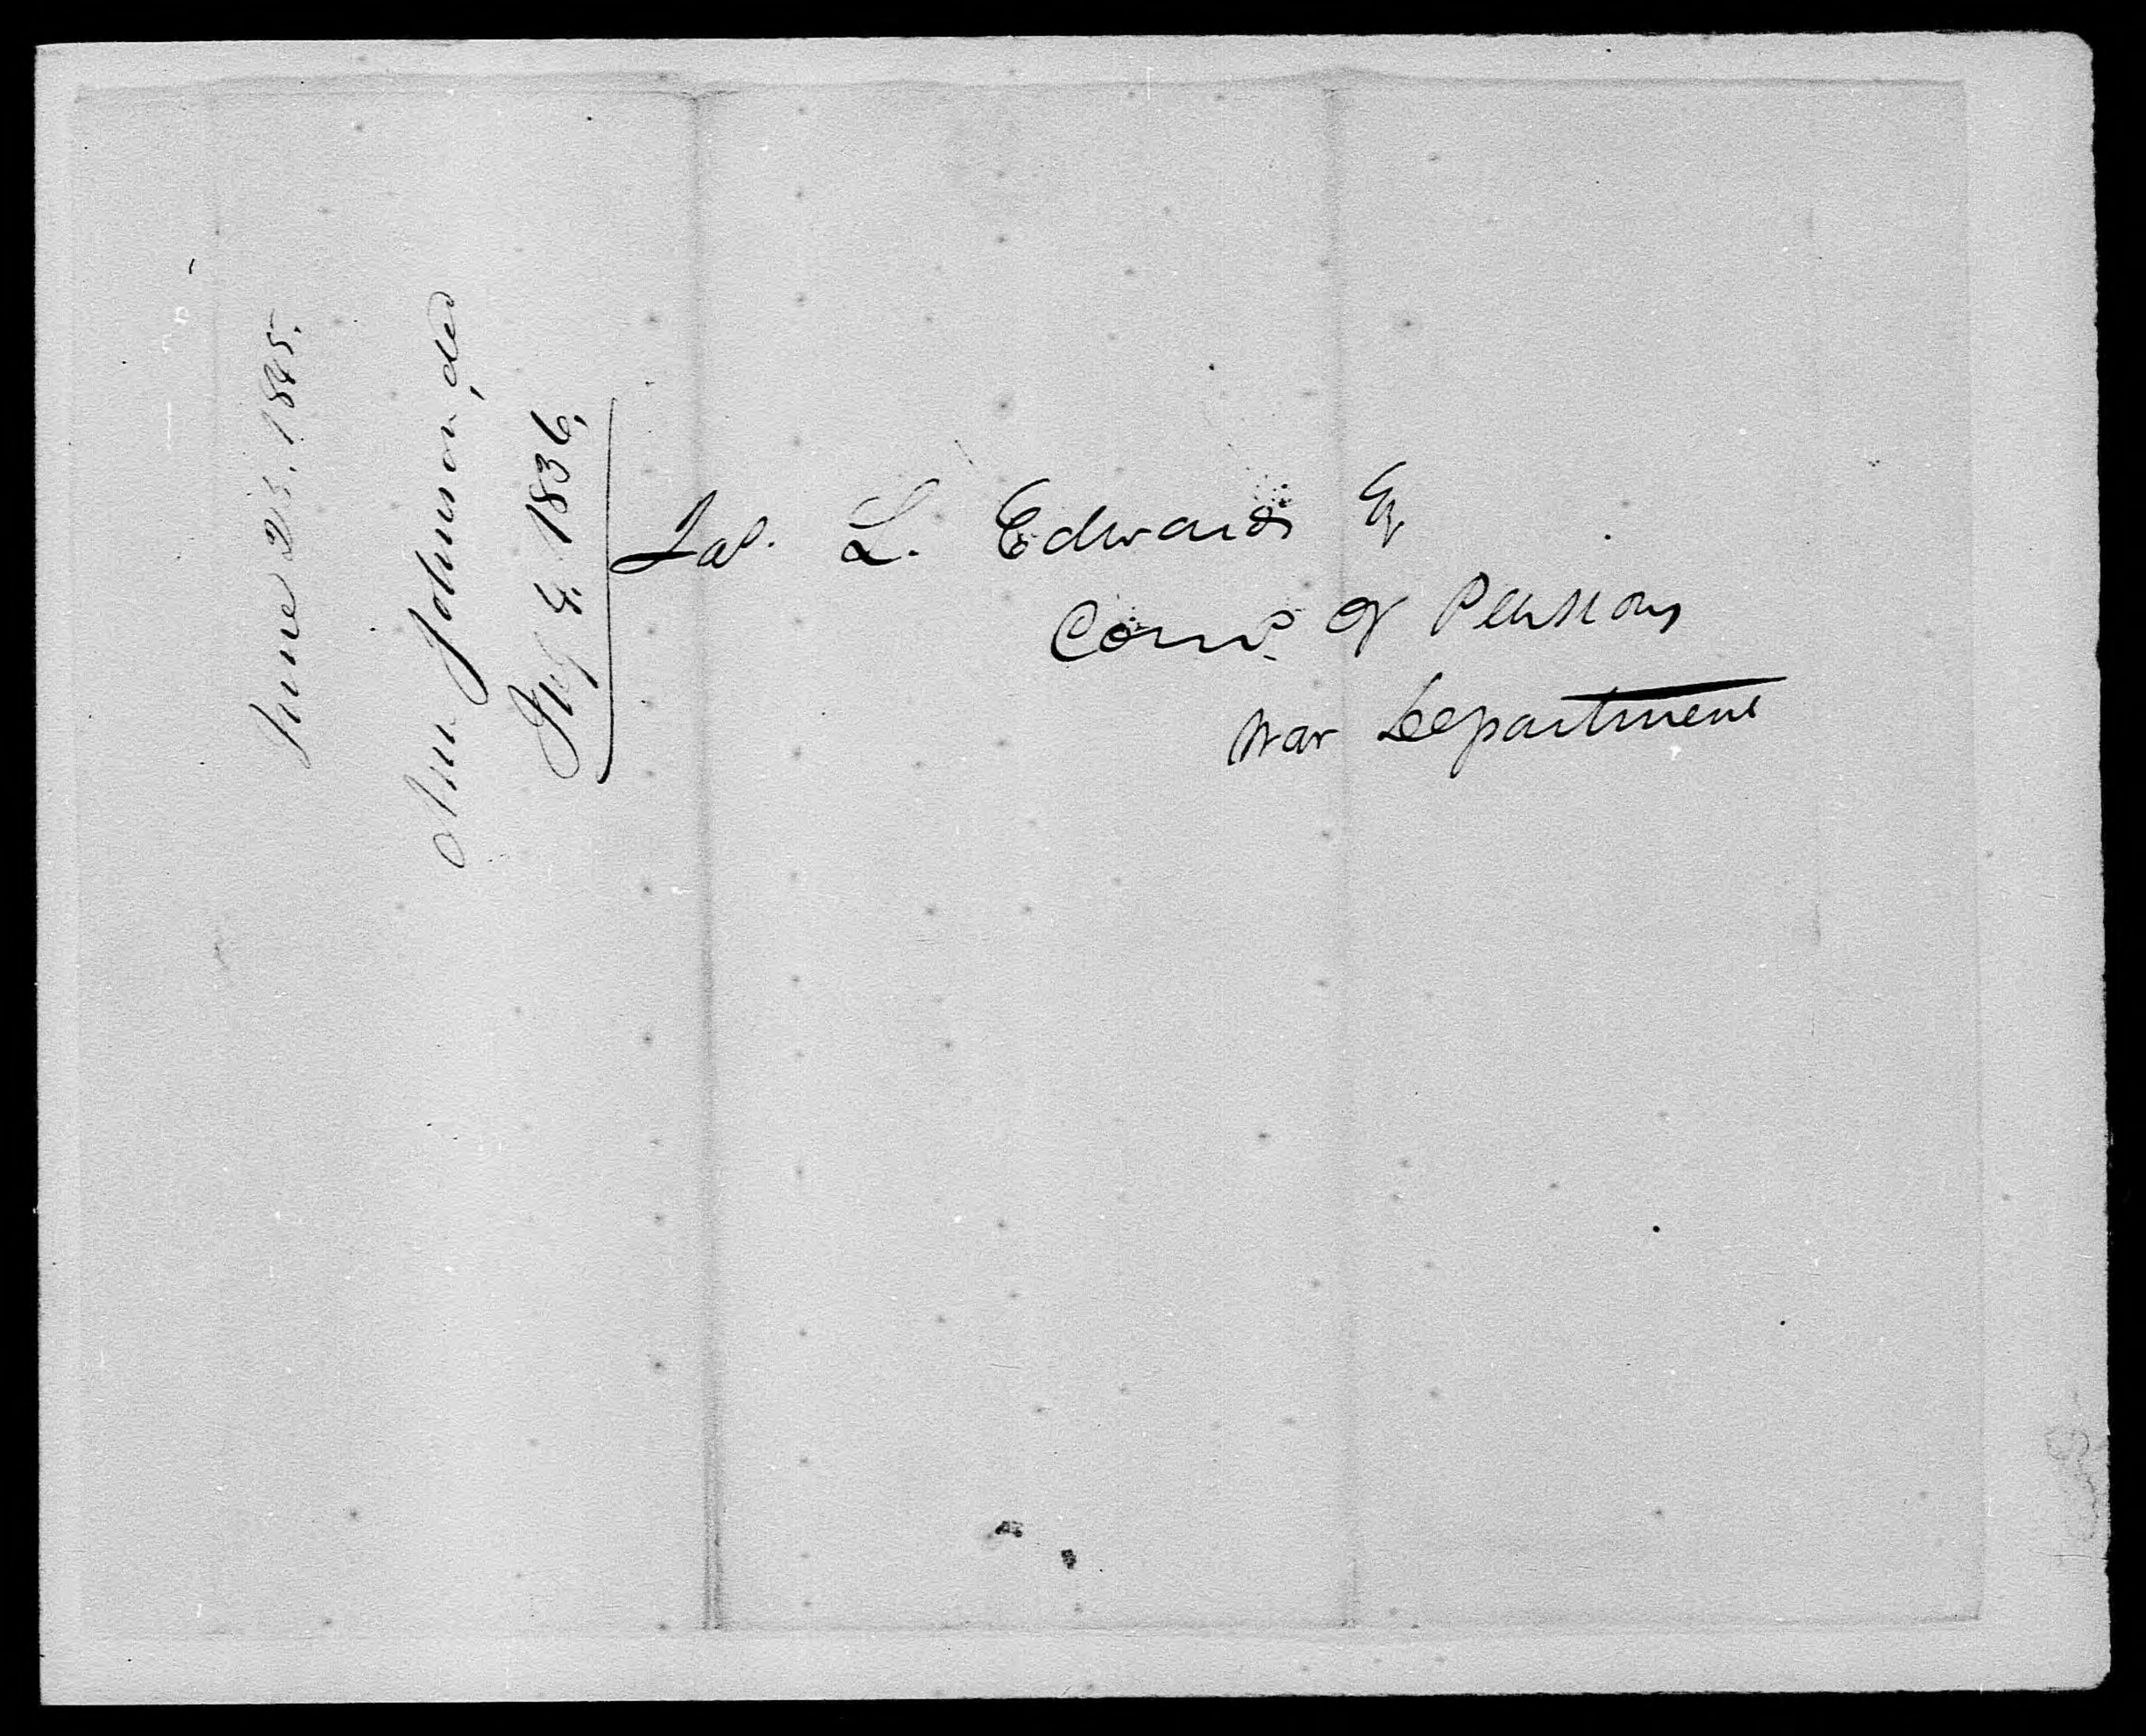June 25, 1845
Ann Johnson decd
July 4, 1836
J. L. Edwards, Esq.
Commissioner of Pensions
War Department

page: 50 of 74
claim: rejected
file: R. 5600, for Abel Johnson, North Carolina